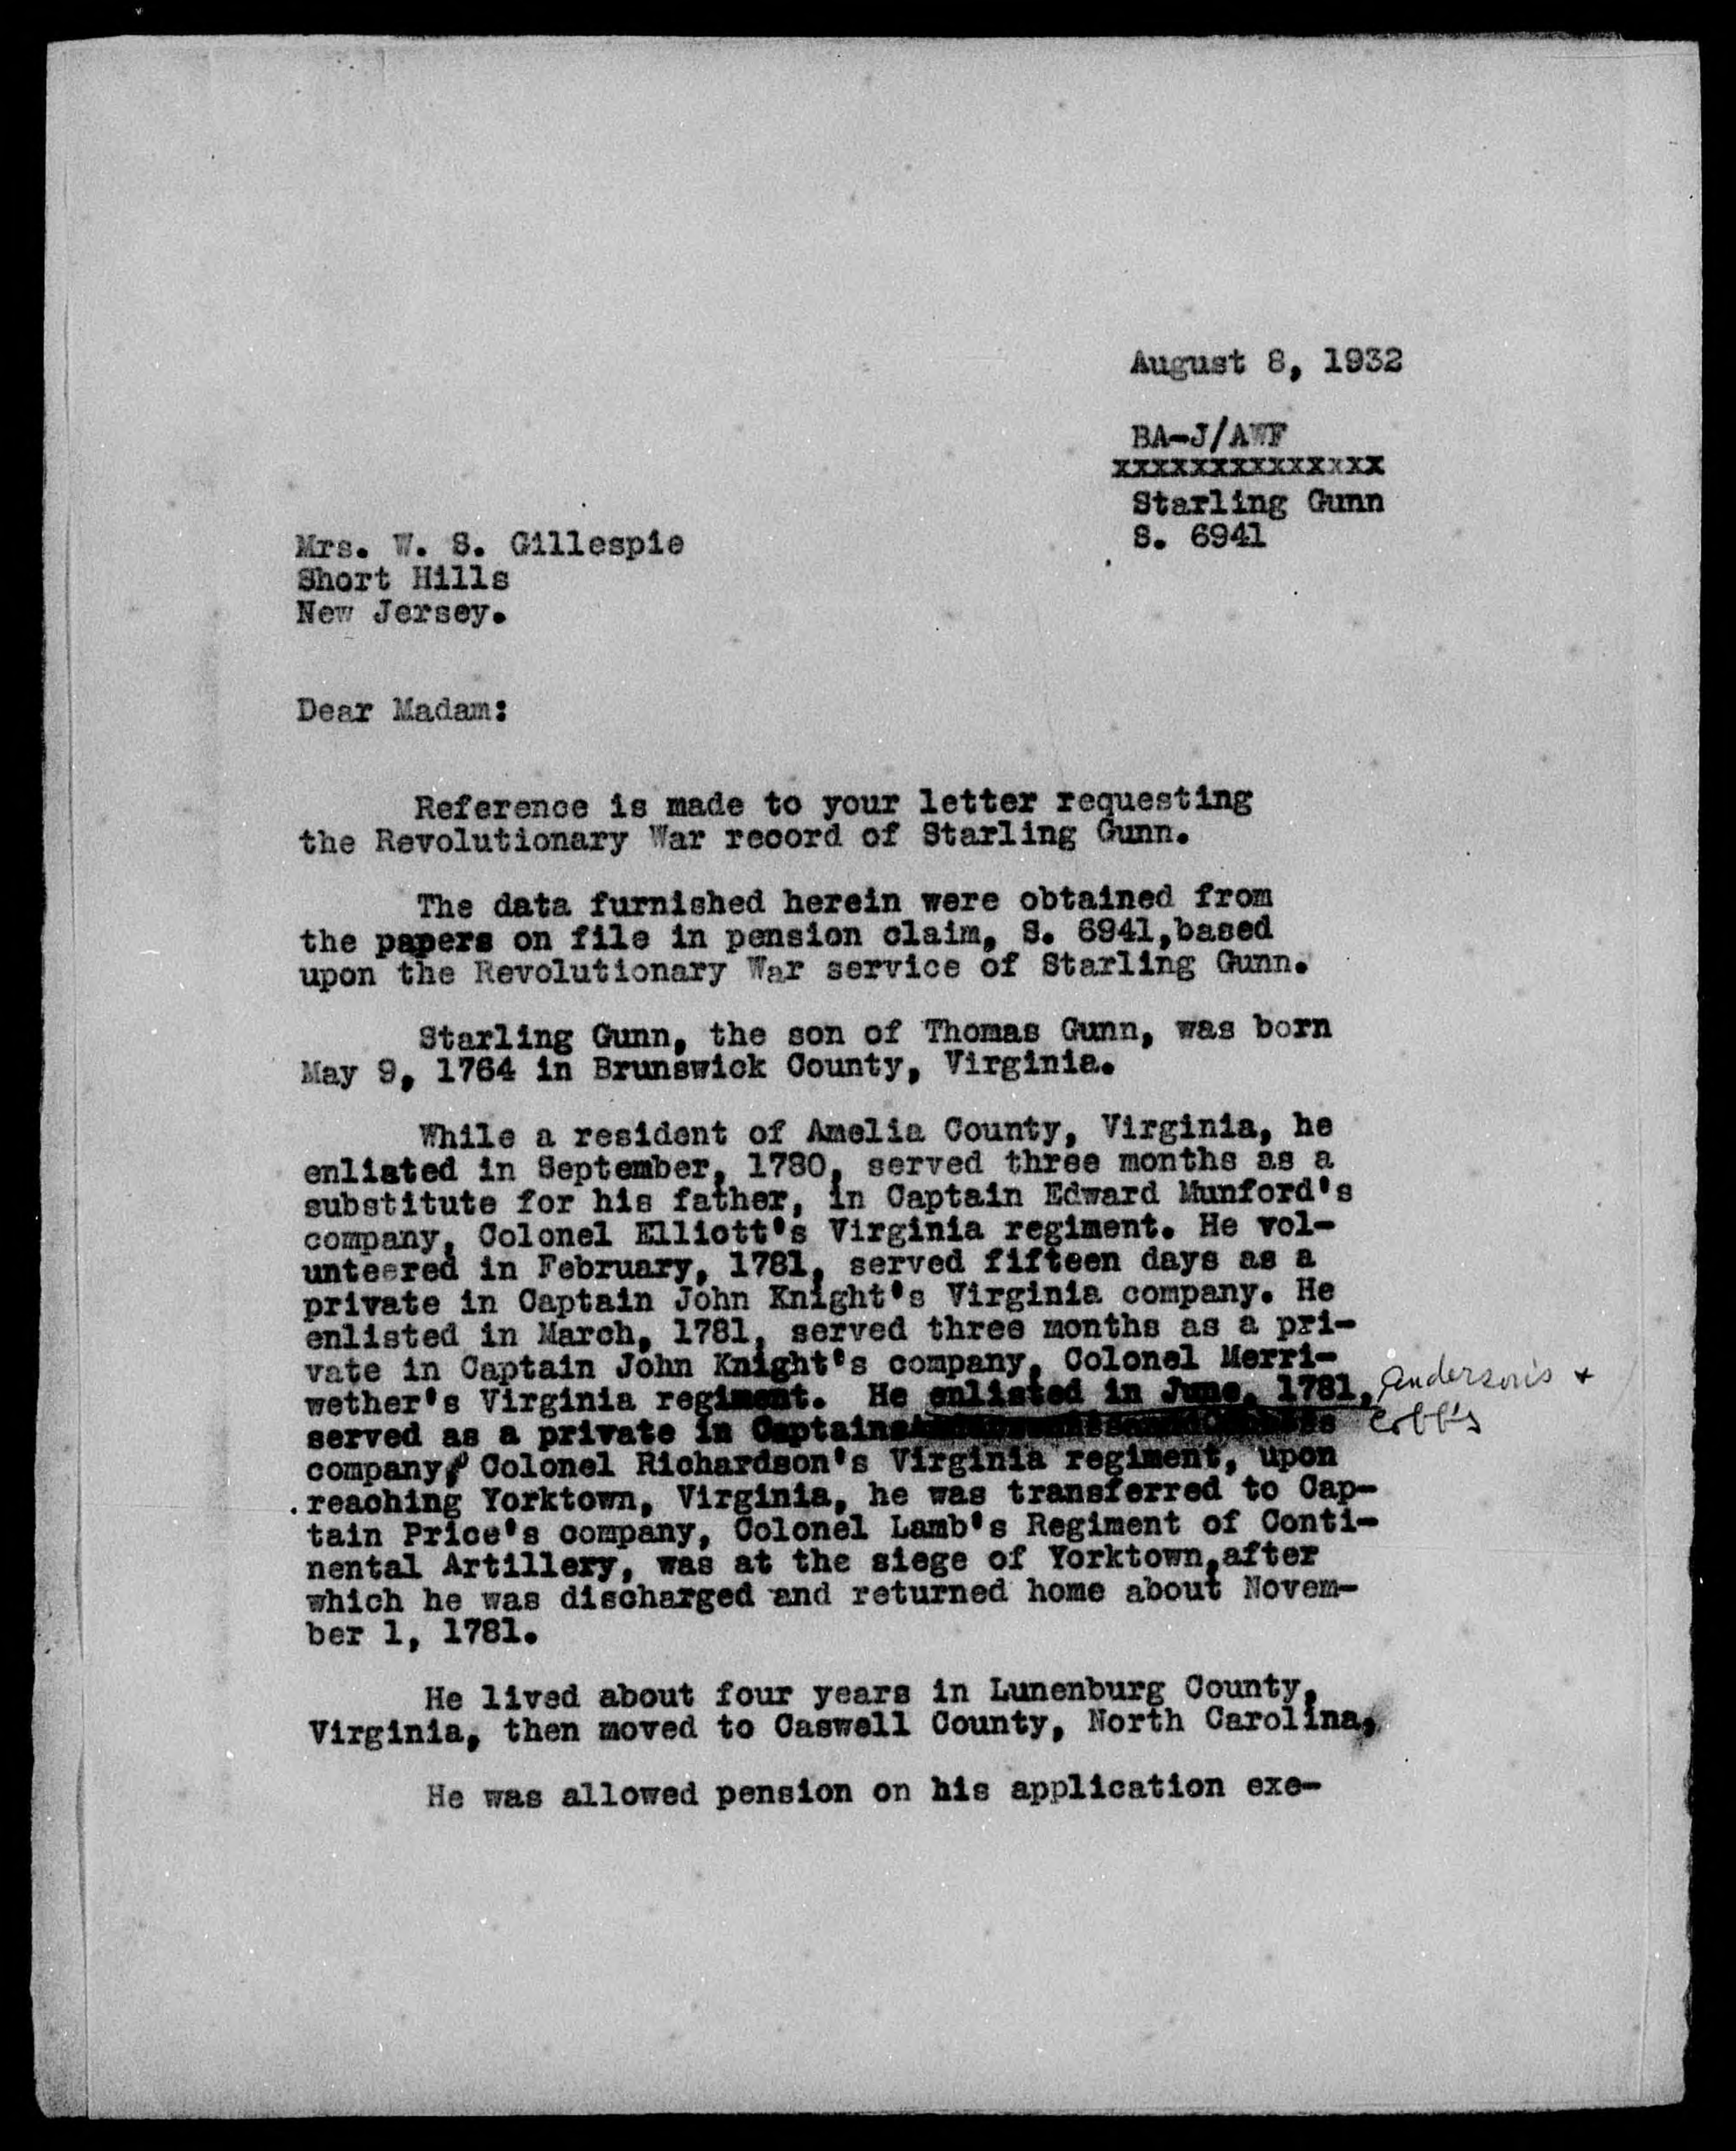August 8, 1932 
BA-J/AWF Starling Gunn S. 6941 

Mrs. W. S. Gillespie Short Hills New Jersey. 
Dear Madam: Reference is made to your letter requesting the Revolutionary War record of Starling Gunn. 
The data furnished herein were obtained from the papers on file in pension claim, S.6941, based upon the Revolutionary War service of Starling Gunn. 
Starling Gunn, the son of Thomas Gunn, was born May 9, 1764 in Brunswick County, Virginia. 
While a resident of Amelia County, Virginia, he enlisted in September, 1780, served three months as a substitute for his father, in Captain Edward Munford's company, Colonel Elliott's Virginia regiment. He volunteered in February, 1781, served fifteen days as a private in Captain John Knight's Virginia company. He enlisted in March, 1781, served three months as a private in Captain John Knight's company, Colonel Merriwether's Virginia regiment. He enlisted in June, 1781 served as a private in Captain Anderson's & Cobb's company, Colonel Richardson's Virginia regiment, upon reaching Yorktown, Virginia, he was transferred to Captain Price's company, Colonel Lamb's Regiment of Continental Artillery, was at the siege of Yorktown, after which he was discharged and returned home about November 1, 1781. 
He lived about four years in Lunenburg County, Virginia, then moved to Caswell County, North Carolina.He was allowed pension on his application exe-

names: Starling Gunn, W S Gillespie, Thomas Gunn, Starling Gunn, Starling Gunn, Starling Gunn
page: 23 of 58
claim: survivor's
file: S. 6,941, Starling Gunn, Continental Va.